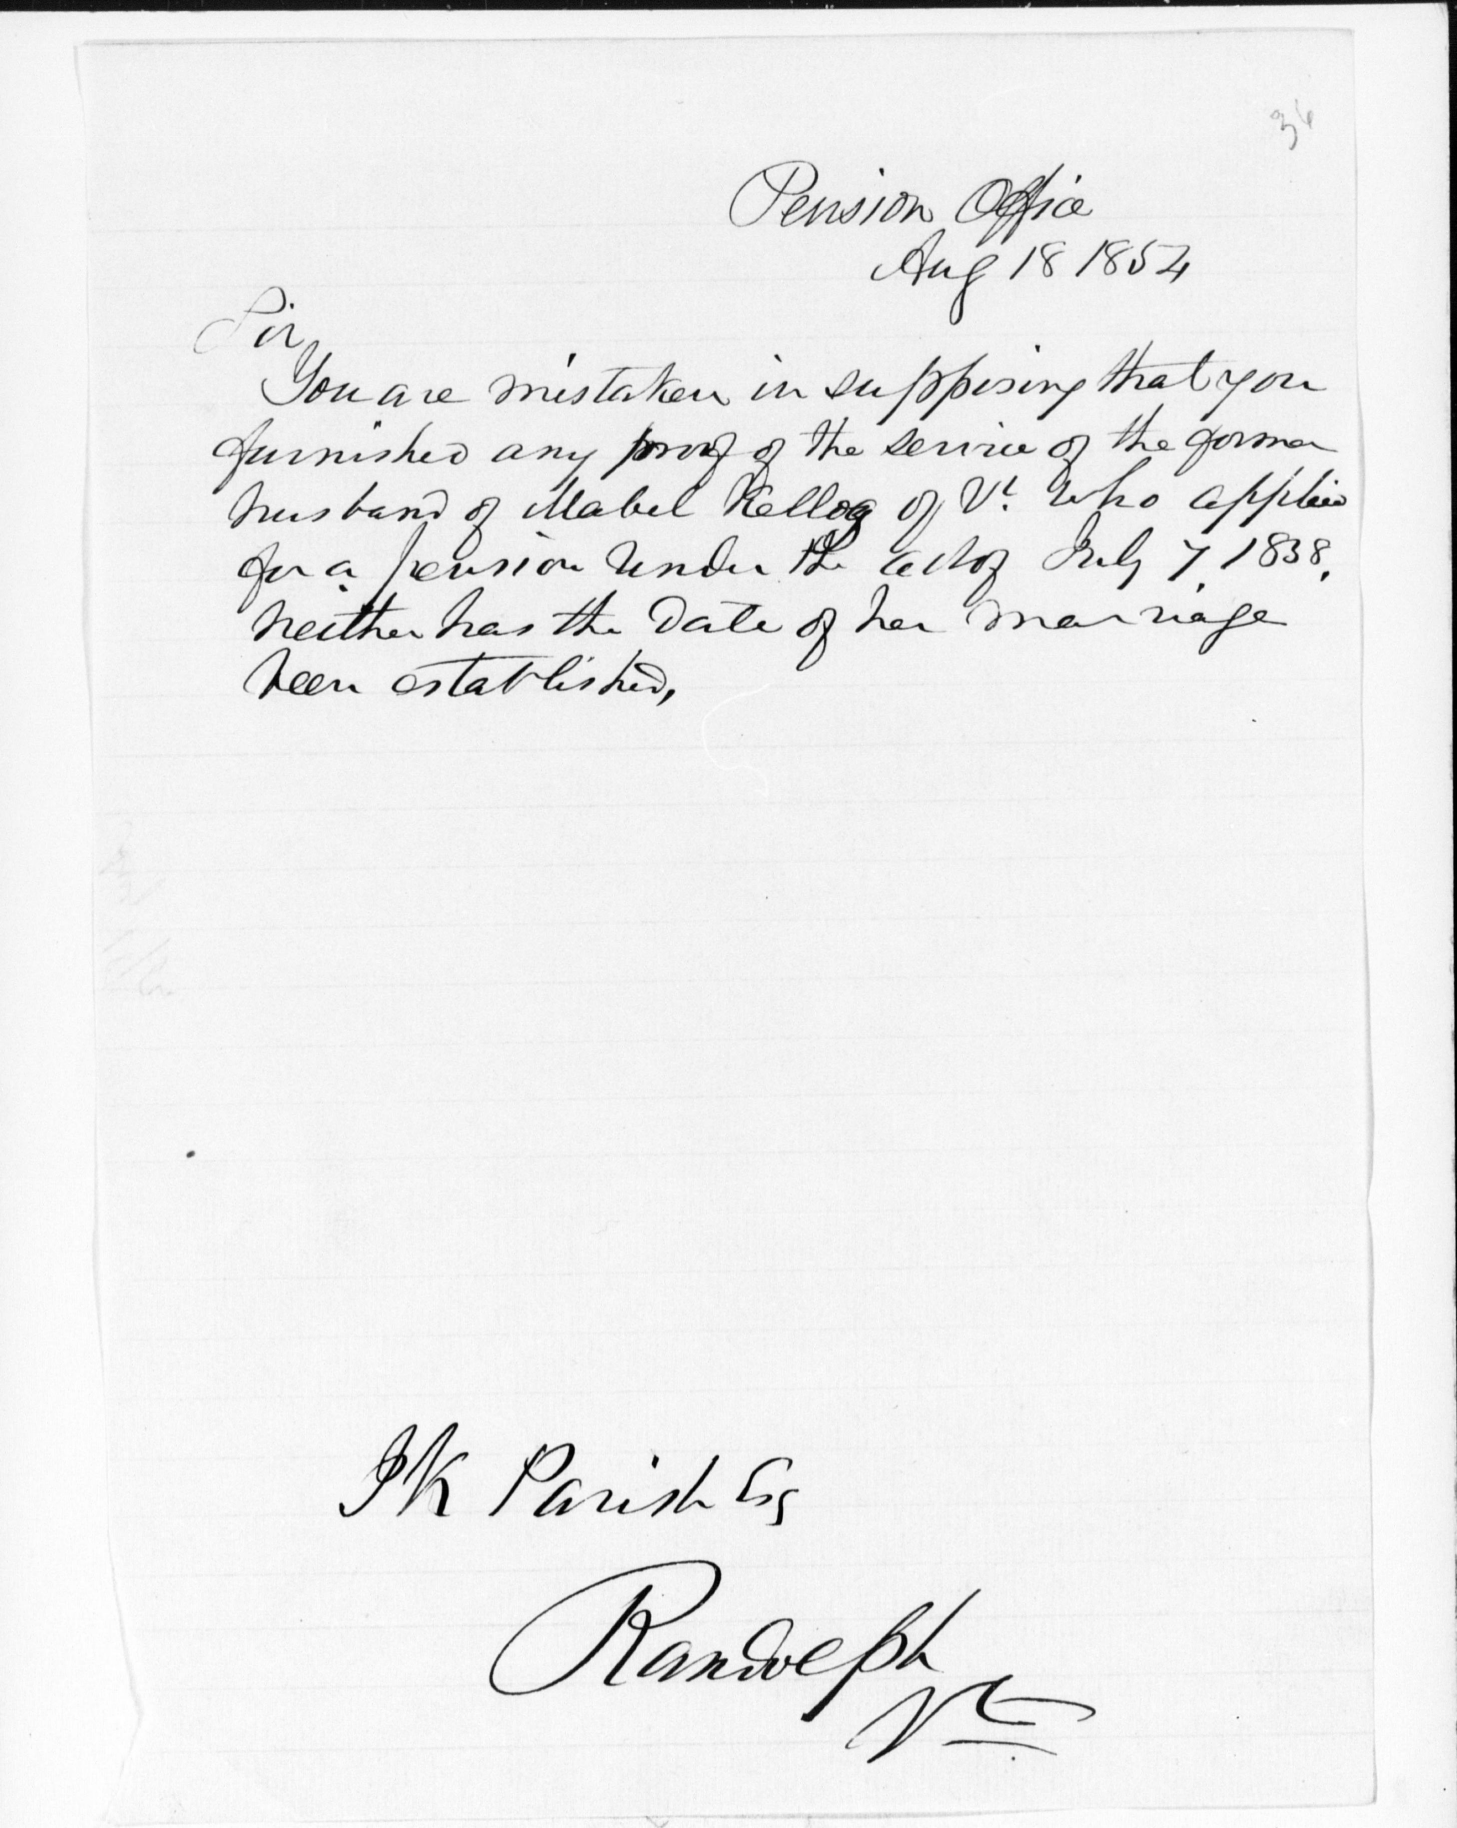Pension Office
Aug 18 1854

Sir
  You are mistaken in supposing that you furnished any proof of the service of the former husband of Mabel Kellog of Vt. who applied for a pension under the act of July 7, 1838.  Neither has the Date of her marriage been established.

JK Parish Esq
Randolph Vt.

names: J K Parish, Mabel Kellog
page: 13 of 19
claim: rejected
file: R. 5836, Elijah Andrews, Conn.